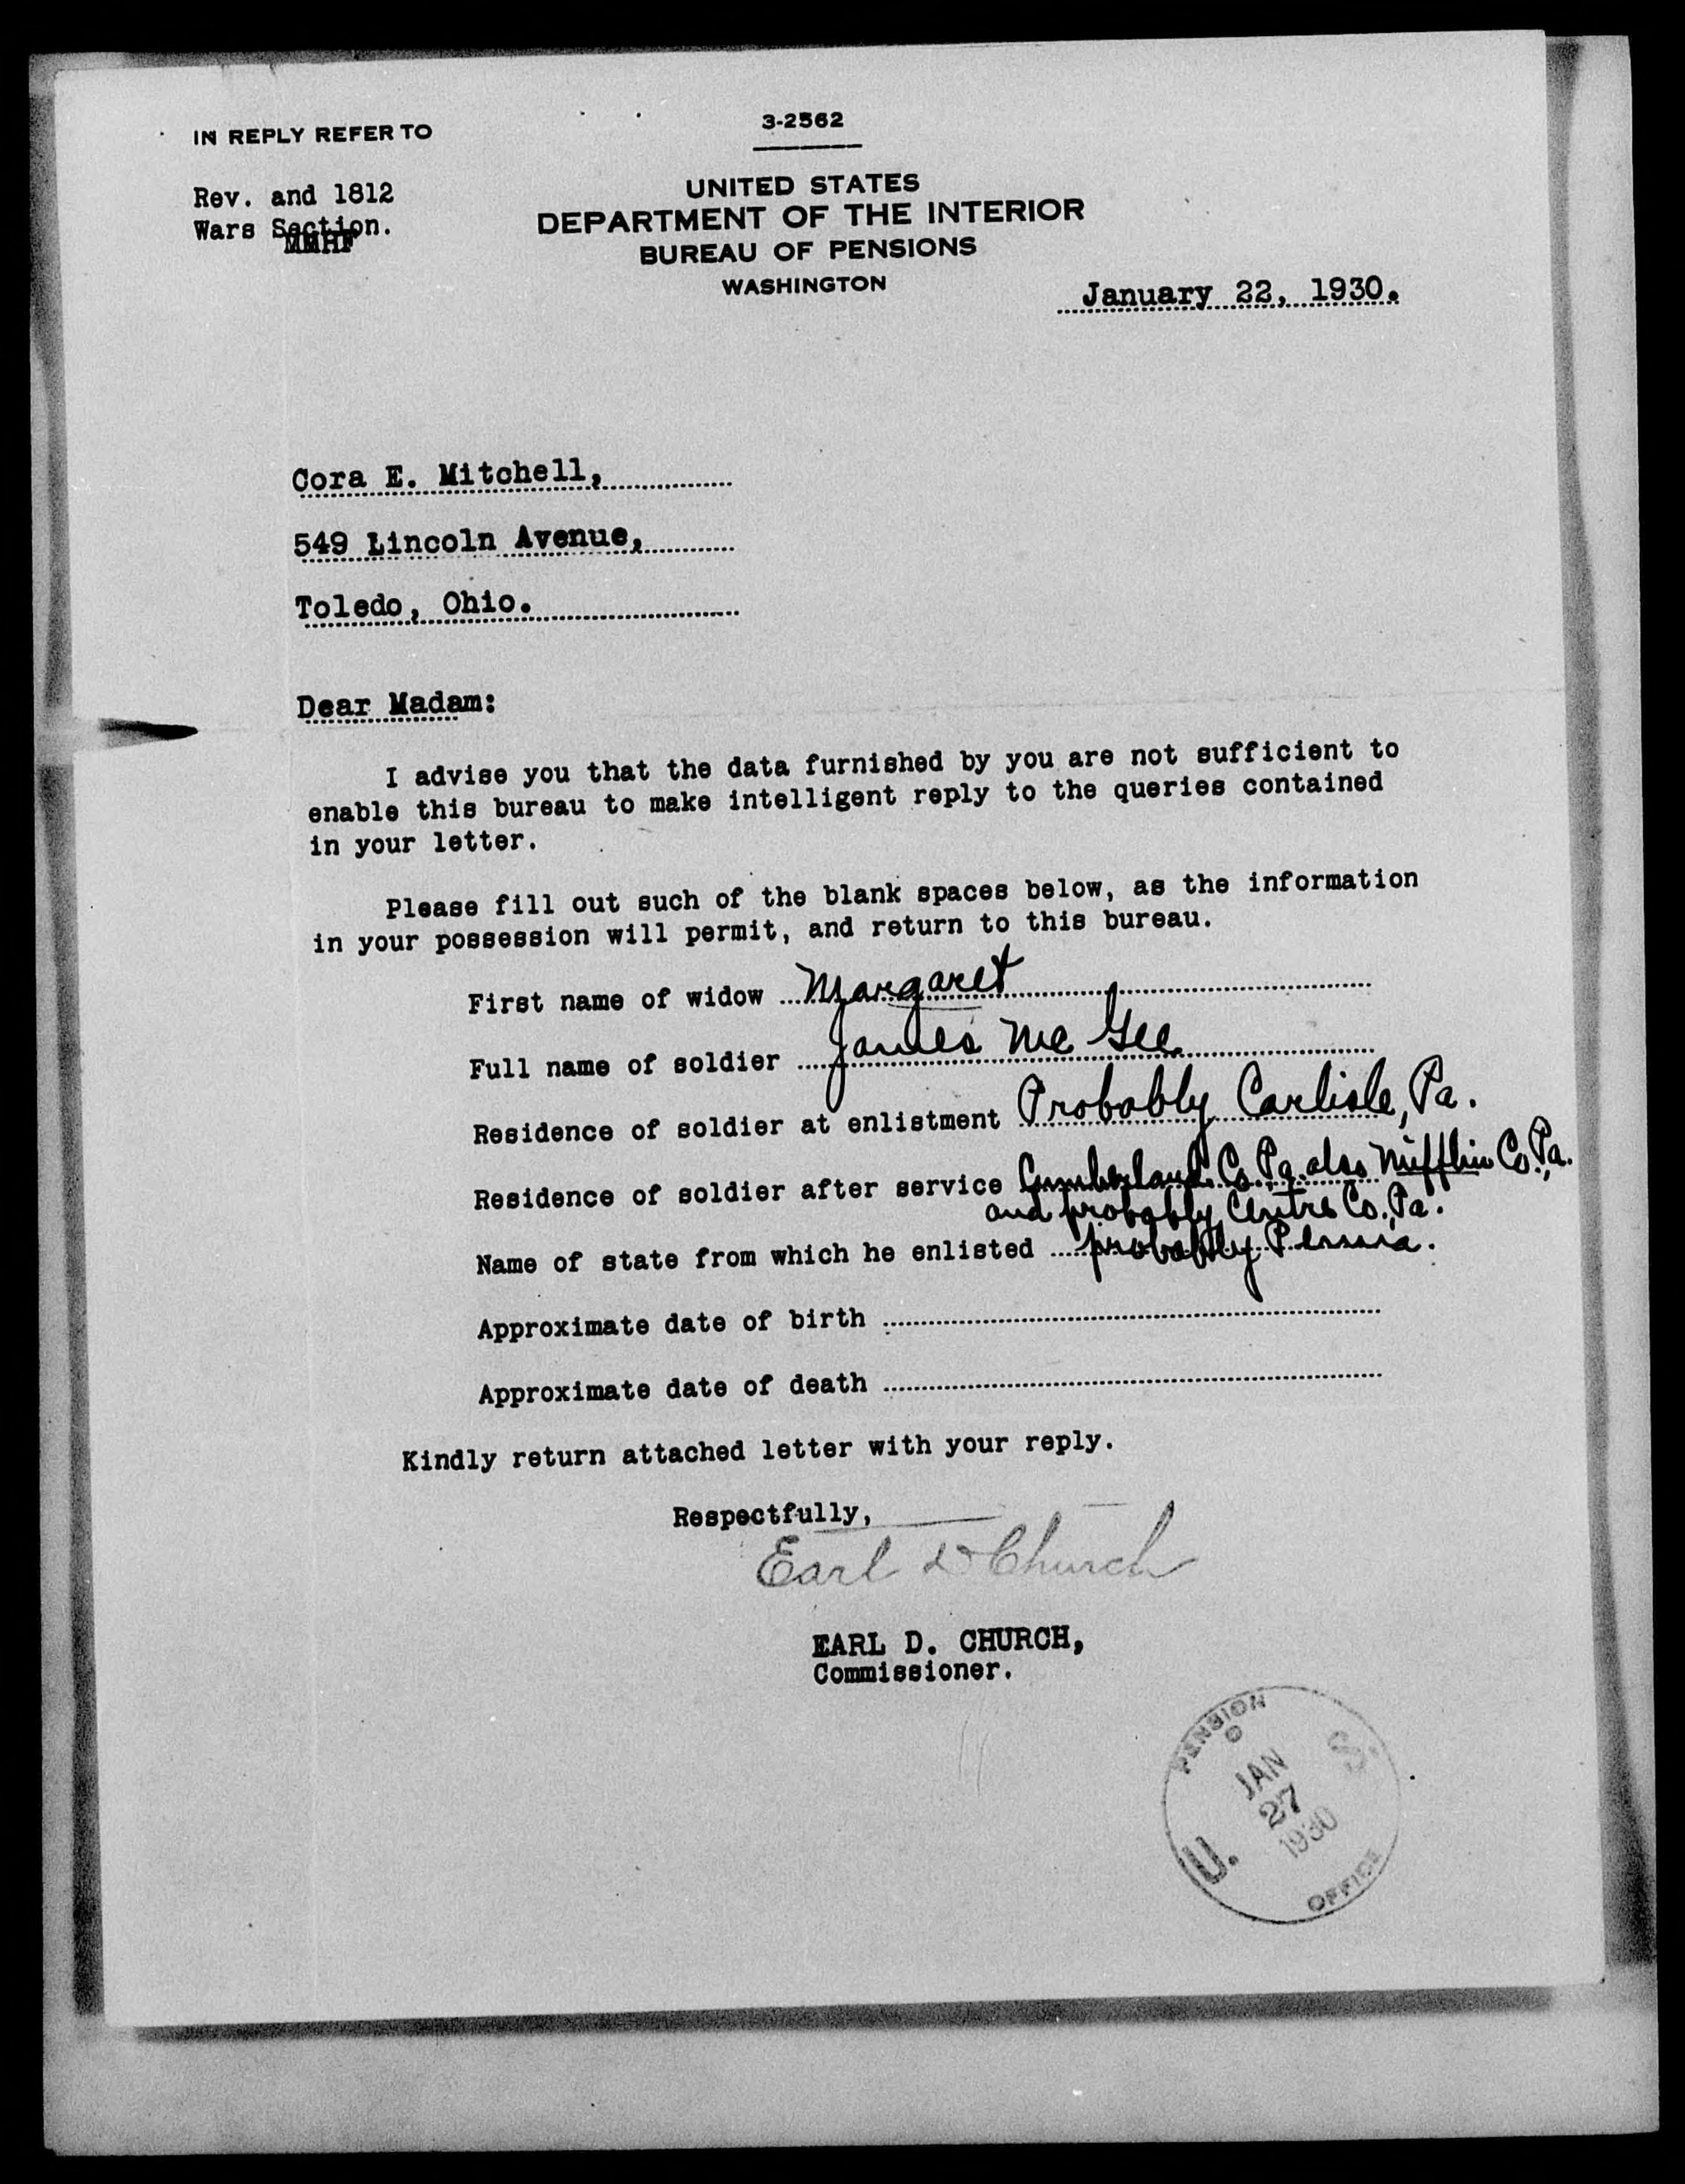IN REPLY REFER TO
Rev. and 1812
Wars Section.
MMHF

3-2562
UNITED STATES
DEPARTMENT OF THE INTERIOR
Bureau of Pensions
Washington

January 22, 1930.

Cora E. Mitchell,
549 Lincoln Avenue,
Toledo, Ohio.
Dear Madam:

I advise you that the data furnished by you are not sufficient to
enable this bureau to make intelligent reply to the queries contained
in your letter.
Please fill out such of the blank spaces below, as the information
in your possession will permit, and return to this bureau.
First name of widow Margaret
Full name of soldier James McGee
Residence of soldier at enlistment Probably Carlisle, Pa
Residence of soldier after service Cumberland Co. Pa. also Mifflin Co Pa 
and probably Centre Co. Pa.
Name of state from which he enlisted probably Phila
Approximate date of birth------
Approximate date of death------
kindly return attached letter with your reply.
Respectfully,
Earl D. Church
EARL D. CHURCH,
Commissioner.

STAMP:  US Pension Office Jan 27 1930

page: 72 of 77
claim: widow's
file: W 2954, for James Mc Gee, Delaware